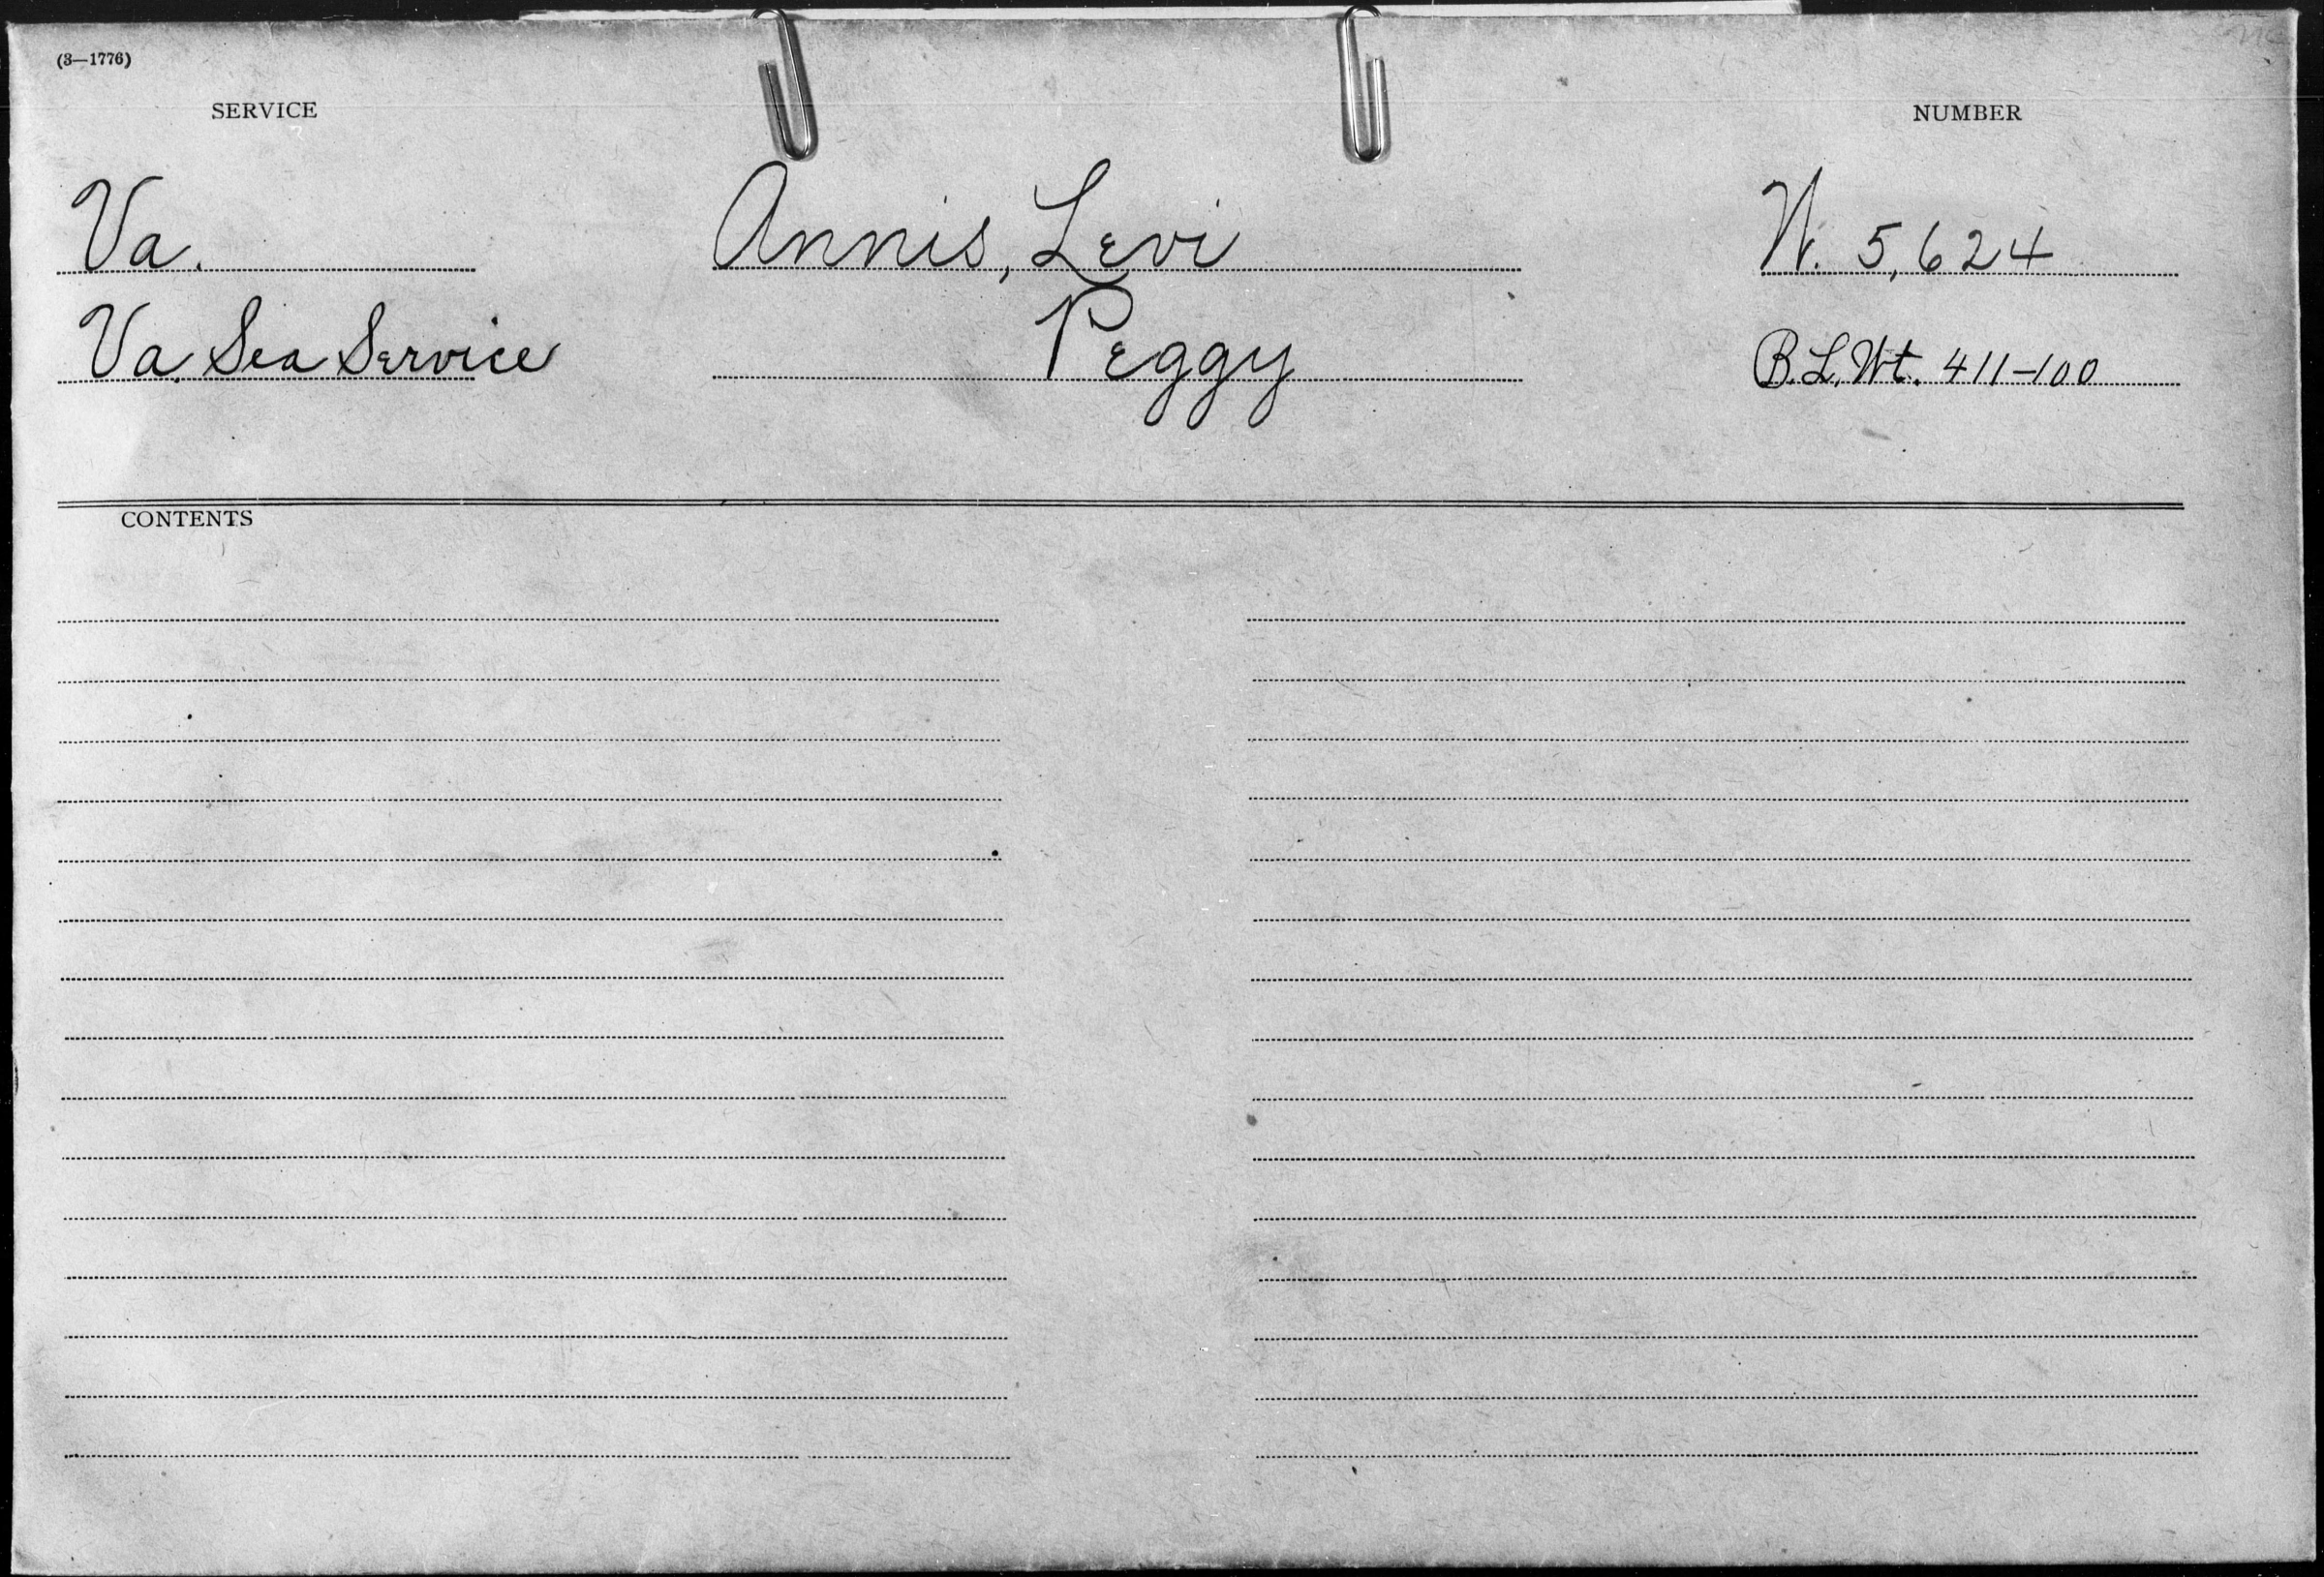Service Va.
Annis, Levi
Number W. 5624
Va. Sea Service
Peggy
B.L. Wt. 411-100
Contents:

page: 1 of 27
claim: widow's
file: W 5624, Levi Annis, Va. Va. Sea Service